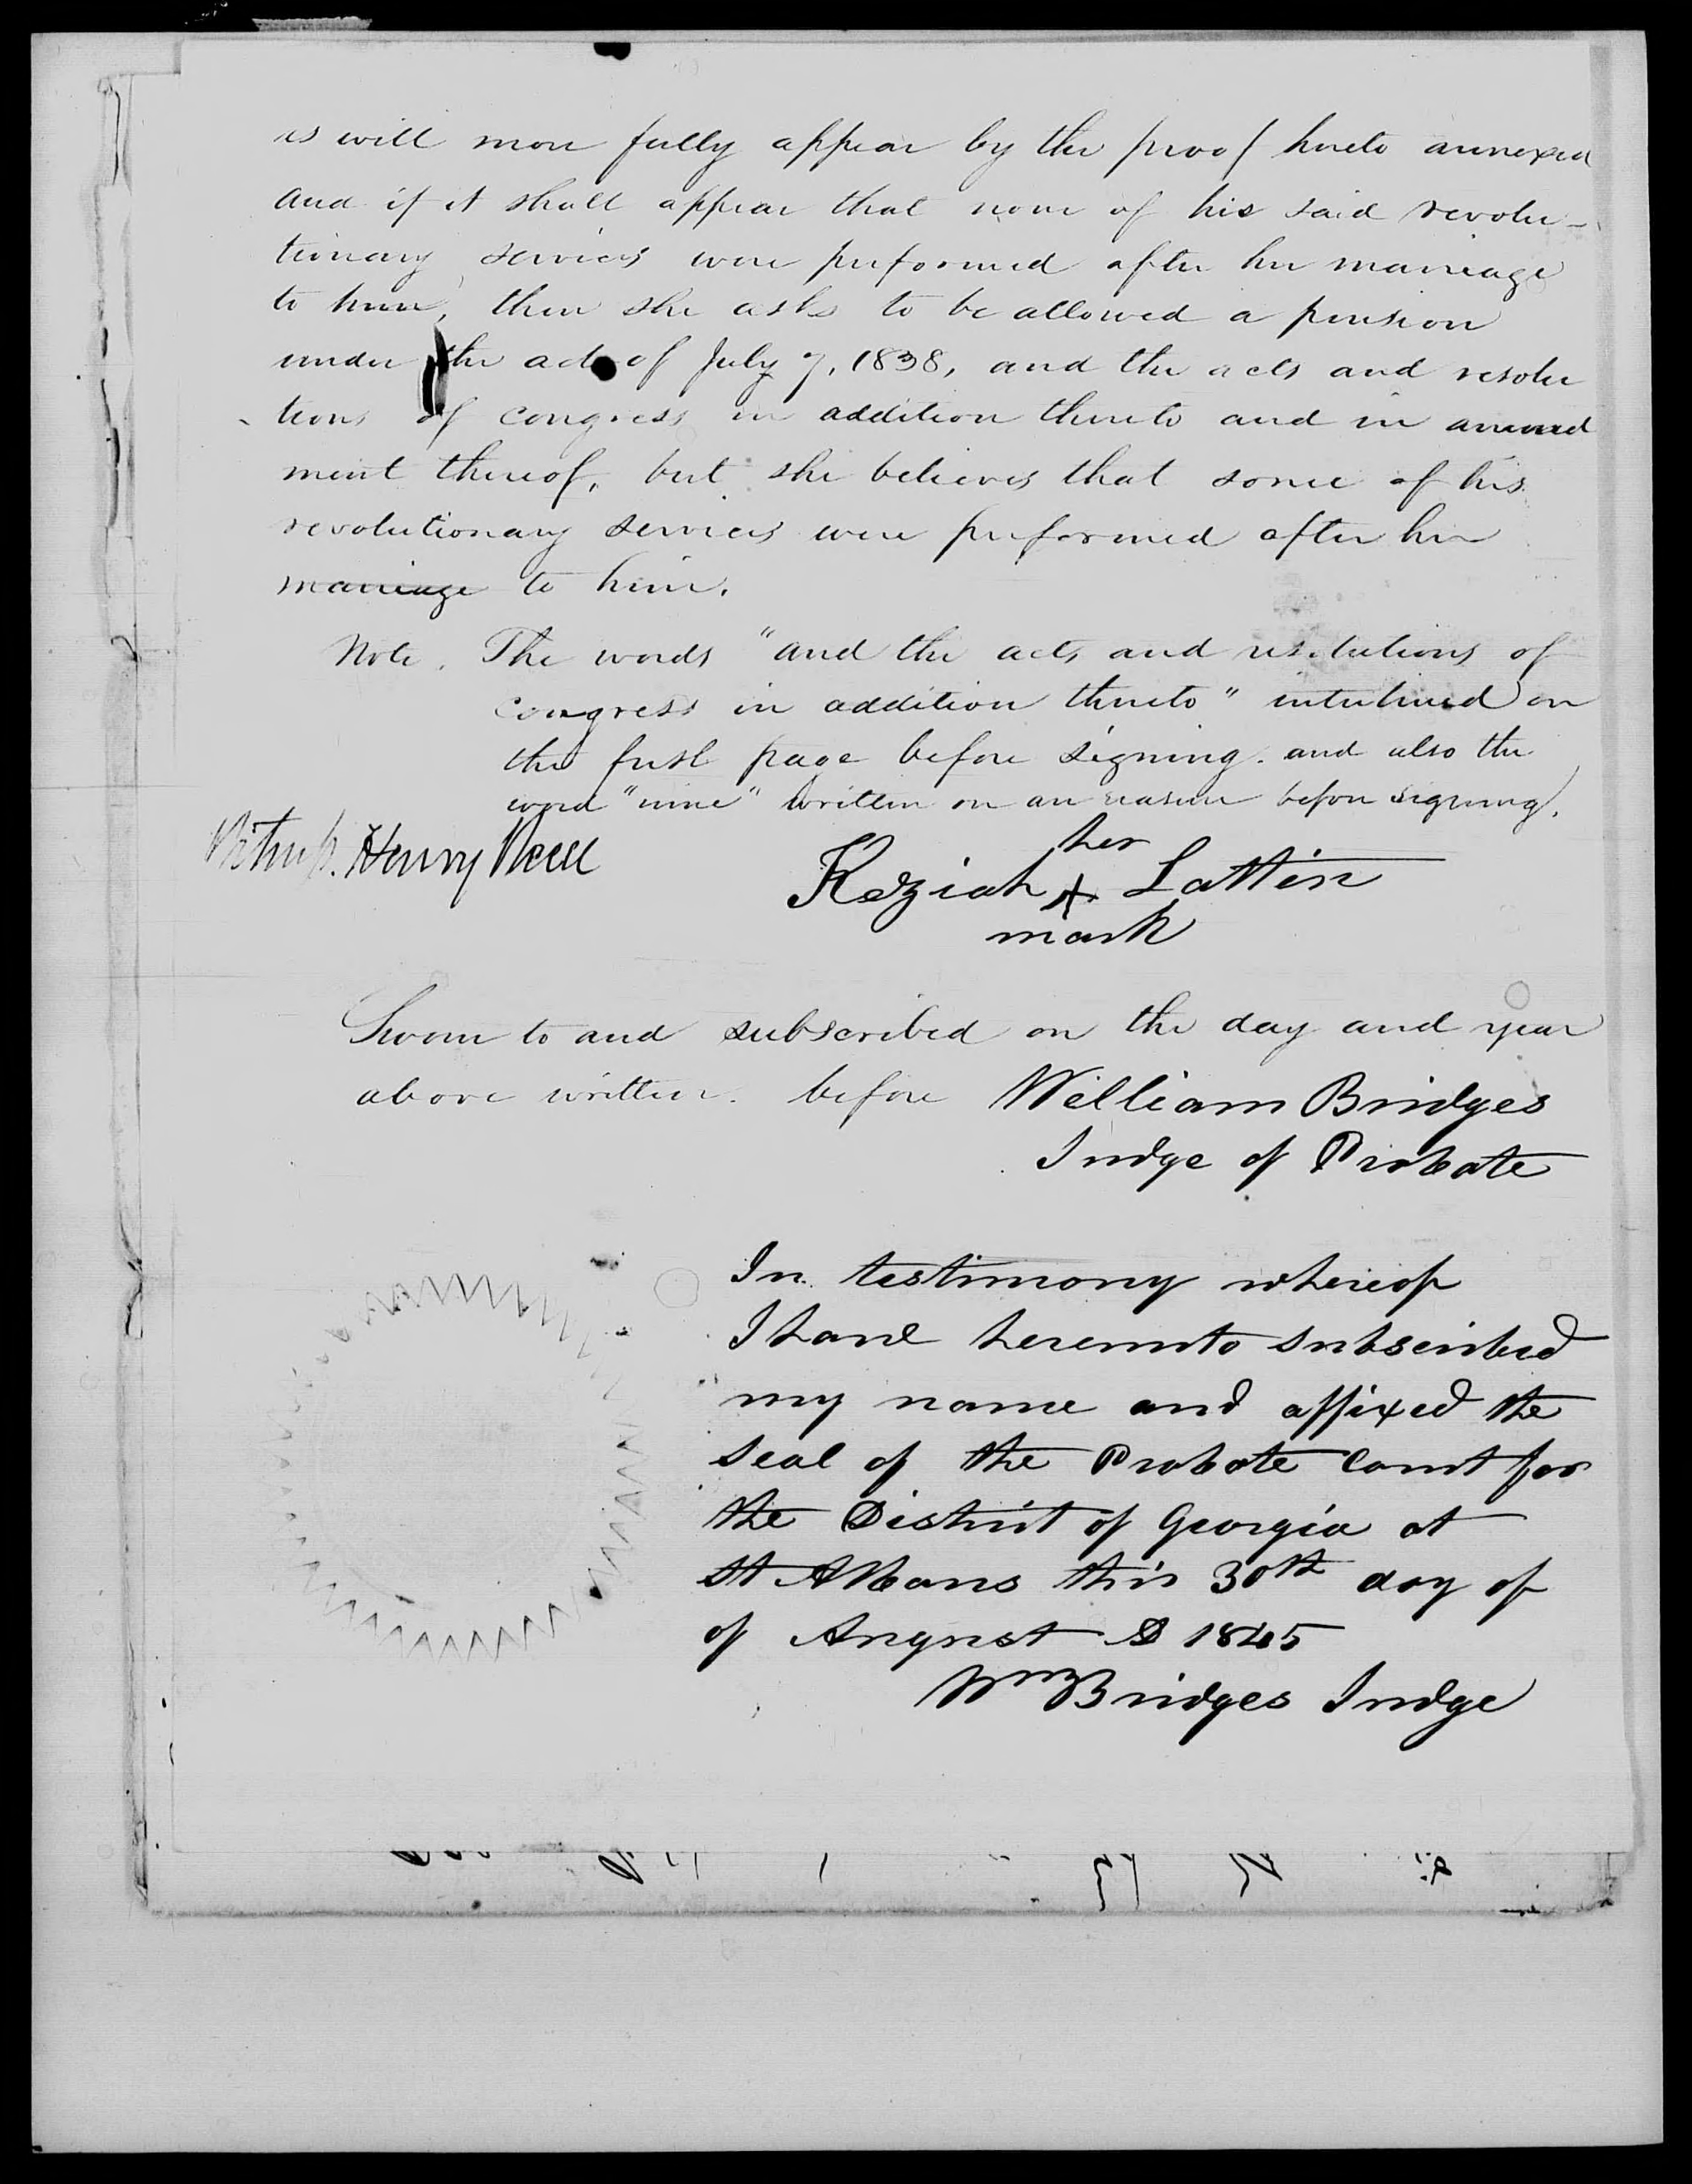as will more fully appear by the proof hereto annexed.
And if it shall appear that none of his said revolutionary services were performed after her marriage to him, then she asks to be allowed a pension under the act of July 7, 1838, 
and the acts and resolutions of Congress in addition thereto and in amendment thereof, but she believes that some of his
revolutionary services were performed after her marriage to him.
Note. The words “and the act, and resolutions of Congress in addition thereto" interlined on the full page before signing and also the word “nine" written on an erasure before signing.
Keziah Lattin her mark
Witness Henry [Reed]

Sworn to and subscribed on the day and year
above written before William Bridges
Judge of Probate

In testimony whereof I have hereunto subscribed my name and affixed the Seal of the Probate Court for the District of Georgia at St Albans this 30th day of of August 1845
Wm Bridges Judge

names: Keziah Lattin; Henry Weed; William Bridges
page: 19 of 99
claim: widow's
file: W. 24,482, for Richard Lattin, Vermont